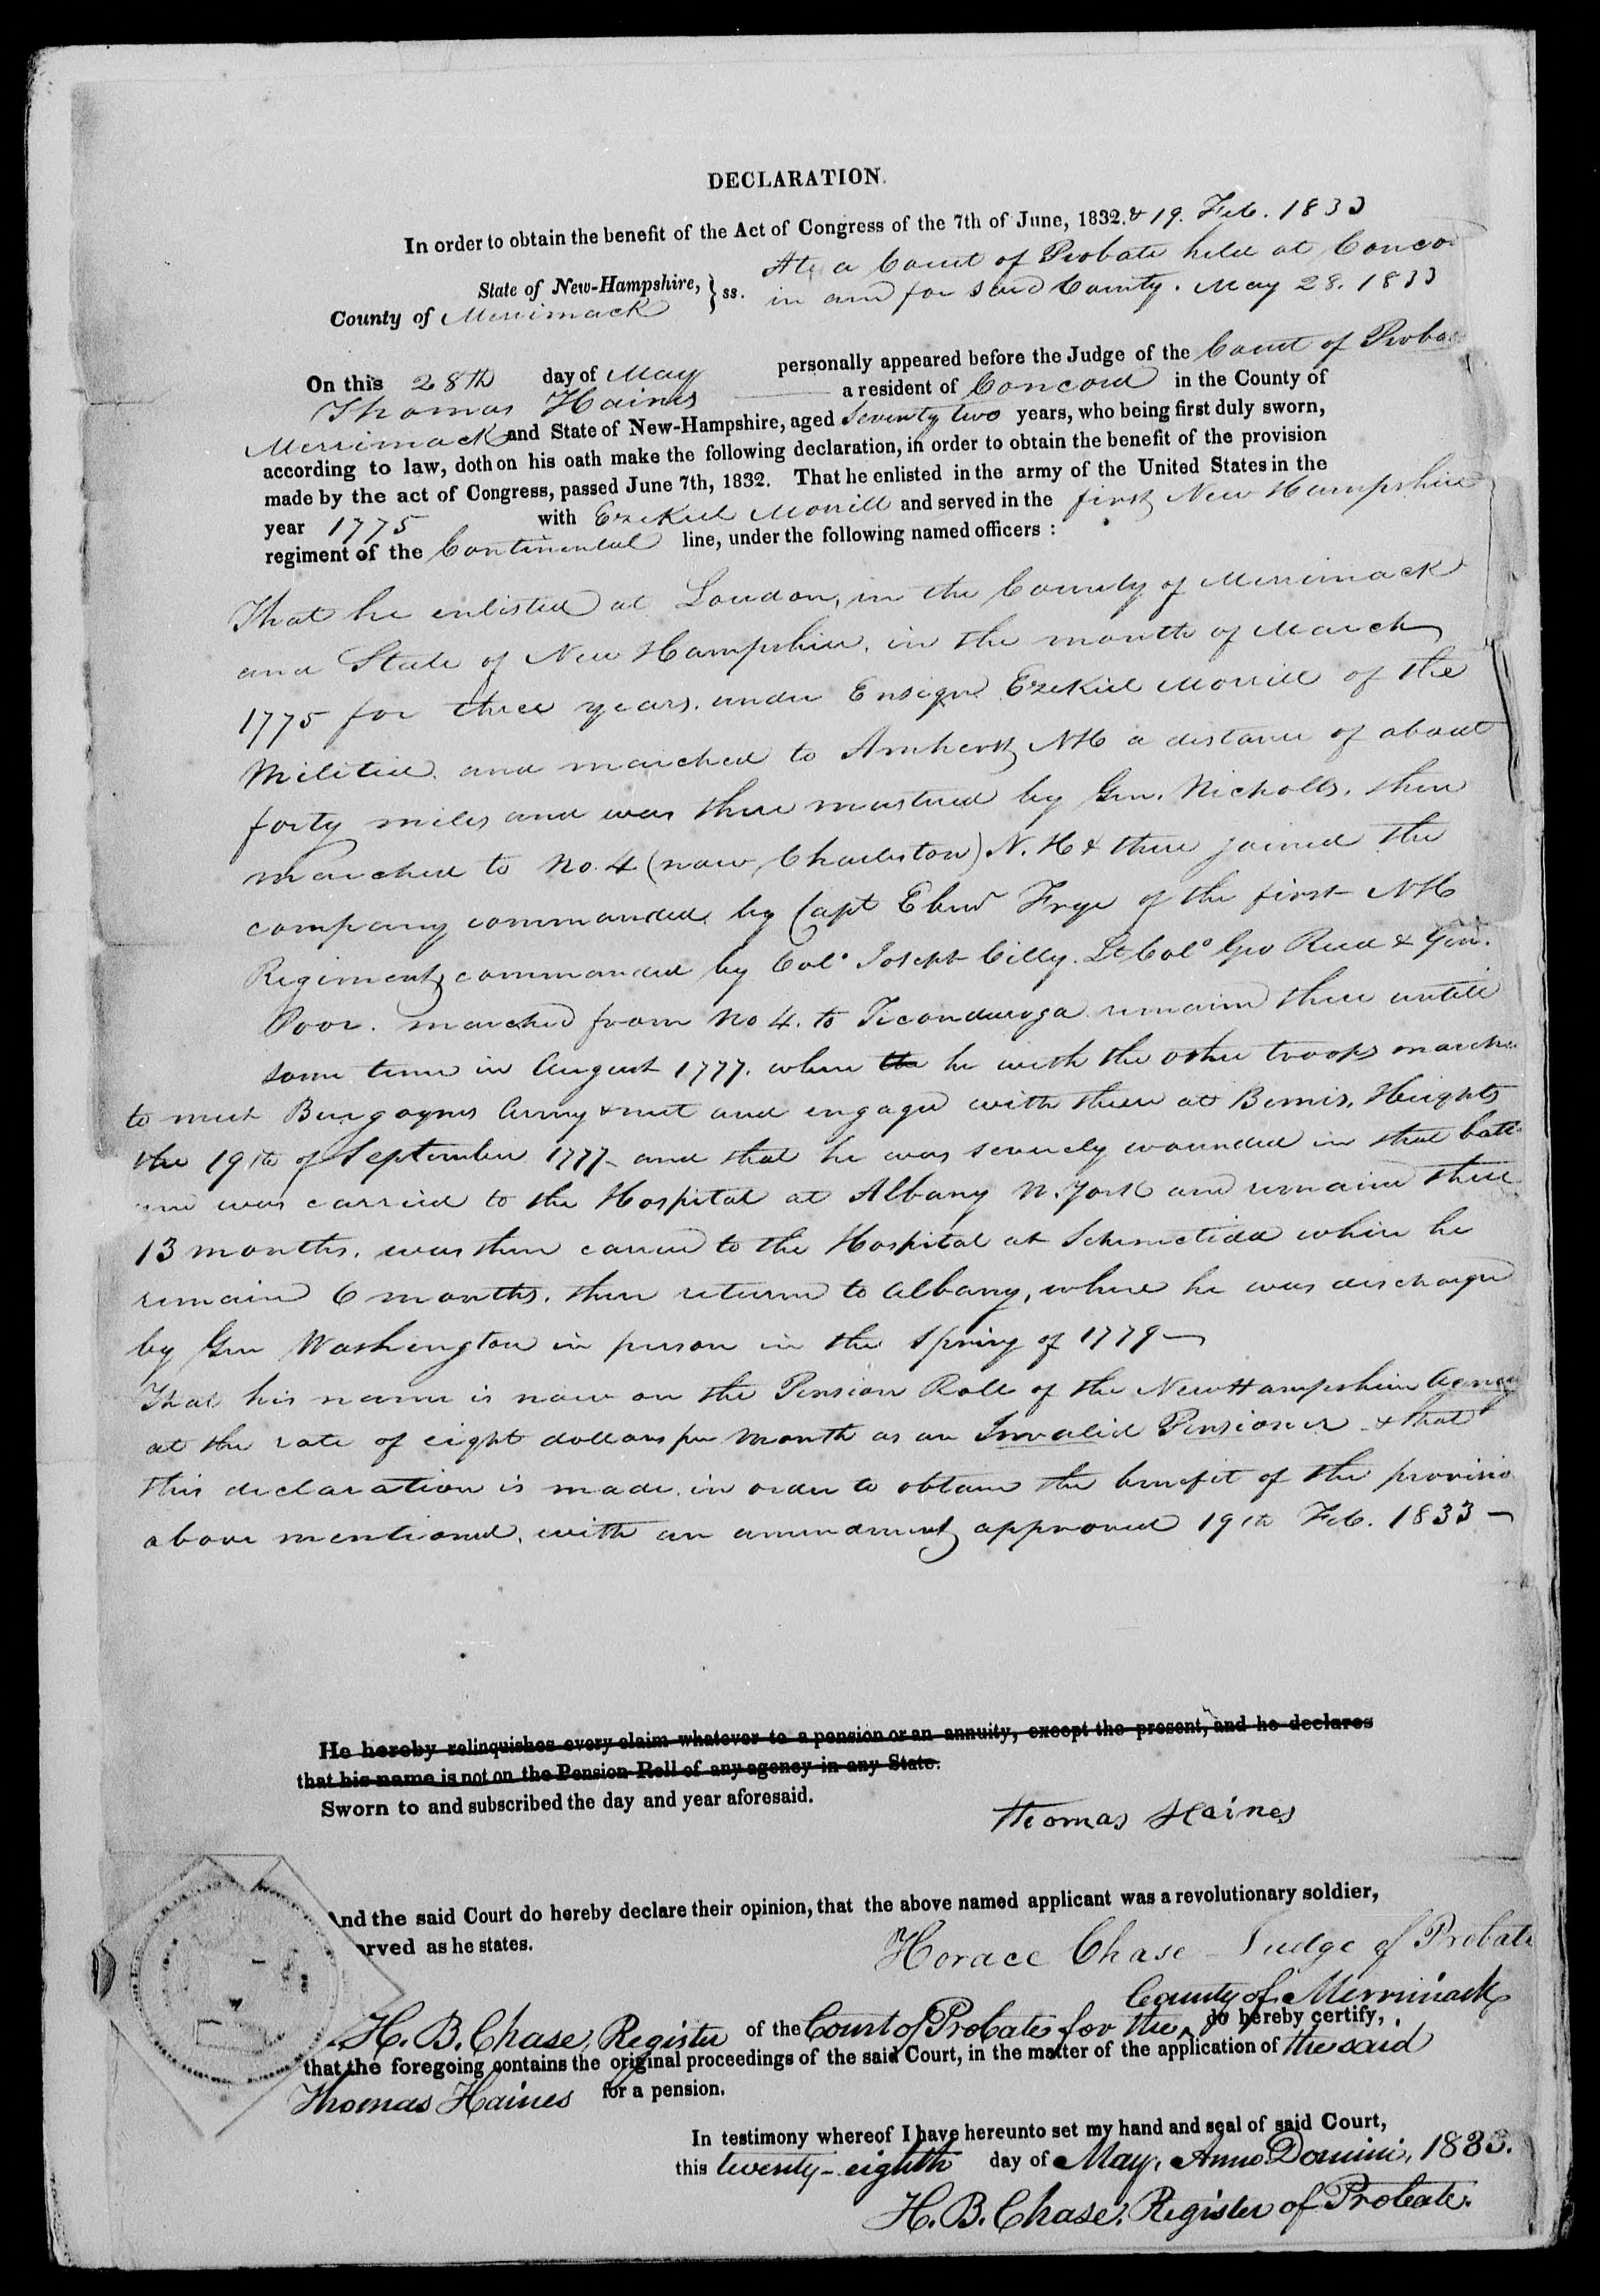DECLARATION
   In order to obtain the benefit of the Act of Congress of the 7th of June, 1832 & 19. Jul. 1832. 
State of New-Hampshire, County of Merrimack }SS. 
& to a Court of Probate held at Concord in and for said County. May 28, 1833

On this 28th day of May personally appeared before the Judge of the Court of Proba[ate] Thomas Haines—- a resident of Concord in the County of Merrimack and State of New-Hampshire, aged Seventy two years, who being first duly sworn, according to law, doth on his oath make the following declaration, in order to obtain the benefit of the provision made by the act of Congress, passed June 7th, 1832. That he enlisted in the army of the United States in the year 1775 with Ezekiel Morrill and served in the first New Hampshire regiment of the Continental line, under the following named officers:
That he enlisted at Loudon, in the County of Merrimack and State of New Hampshire, in the month of March 1775 for three years, under Ensign Ezekiel Morrill of the militia, and marched to Amherst, NH a distance of about forty miles and was then mustered by Gen. Nicholas, then marched to No.4 (now, Charleston) N.H & there joined the company commanded by Capt. Eben[eze]r Frye of the first NH Regiment, commanded by Col. Joseph Cilley. Lt. Colo[nel] Geo Reece & Gen.Poor, marched from No 4. To Ticonderoga remain there until some time in August 1777. when he with the other troops marched to meet Burgoyne Army & met and engaged with them at Bemis. Heights [illegible] 19th of September 1777 and that he was severely wounded in that battle and was carried to the hospital at Albany N. York and remains there 13 months, was then carried to the Hospital at Schenectidee where he remained 6 months, then returned to Albany, where he was discharged by Gen Washington in person in the Spring of 1779 —- That his name Is now on the Pension Roll of the New Hampshire Agency at the rate of eight dollars per month as an [underlined] Invalid Pensioner & that this declaration is made in order to obtain the benefit of the provisio[n] above mentioned, with an amendment approved 19th Feb. 1833–

[Typed section crossed out:] He hereby relinquishes every claim whatever to a pension or an annuity, except the present, and he declares that his name is not on the Pension Roll of any agency in any State. [End cross out]
     Sworn to and subscribed the day and year aforesaid.
     [written] Thomas Haines
[typed] And the Court do hereby declare their opinion, that the above named applicant was a revolutionary soldier,[covered] [?se}rved as he states.
   {written} Horace Chase Judge of Probate
H. B. Chase, Register of the Court of Probate for the County of Merrimack, do hereby certify, that the foregoing contains the original proceedings of the said Court, in the matter of the application of the said Thomas Haines for a pension. 

[illegible seal overlies above partially]

            In testimony whereof I have hereunto set my hand and seal of said Court, this twenty-eighth day of May, Anno Domini, 1833.
          H. B. Chase, Register of Probate.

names: Thomas Haines, H B Chase, Ezekiel Morrill, Ebenr Frye, Thomas Haines, Thomas Haines, Ezekiel Morrill, Geo Reed, H B Chase, Horace Chase, Washington, Poor, Nicholls, Joseph Cilly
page: 6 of 57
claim: widow's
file: W. 23217, Thomas Haines, N H